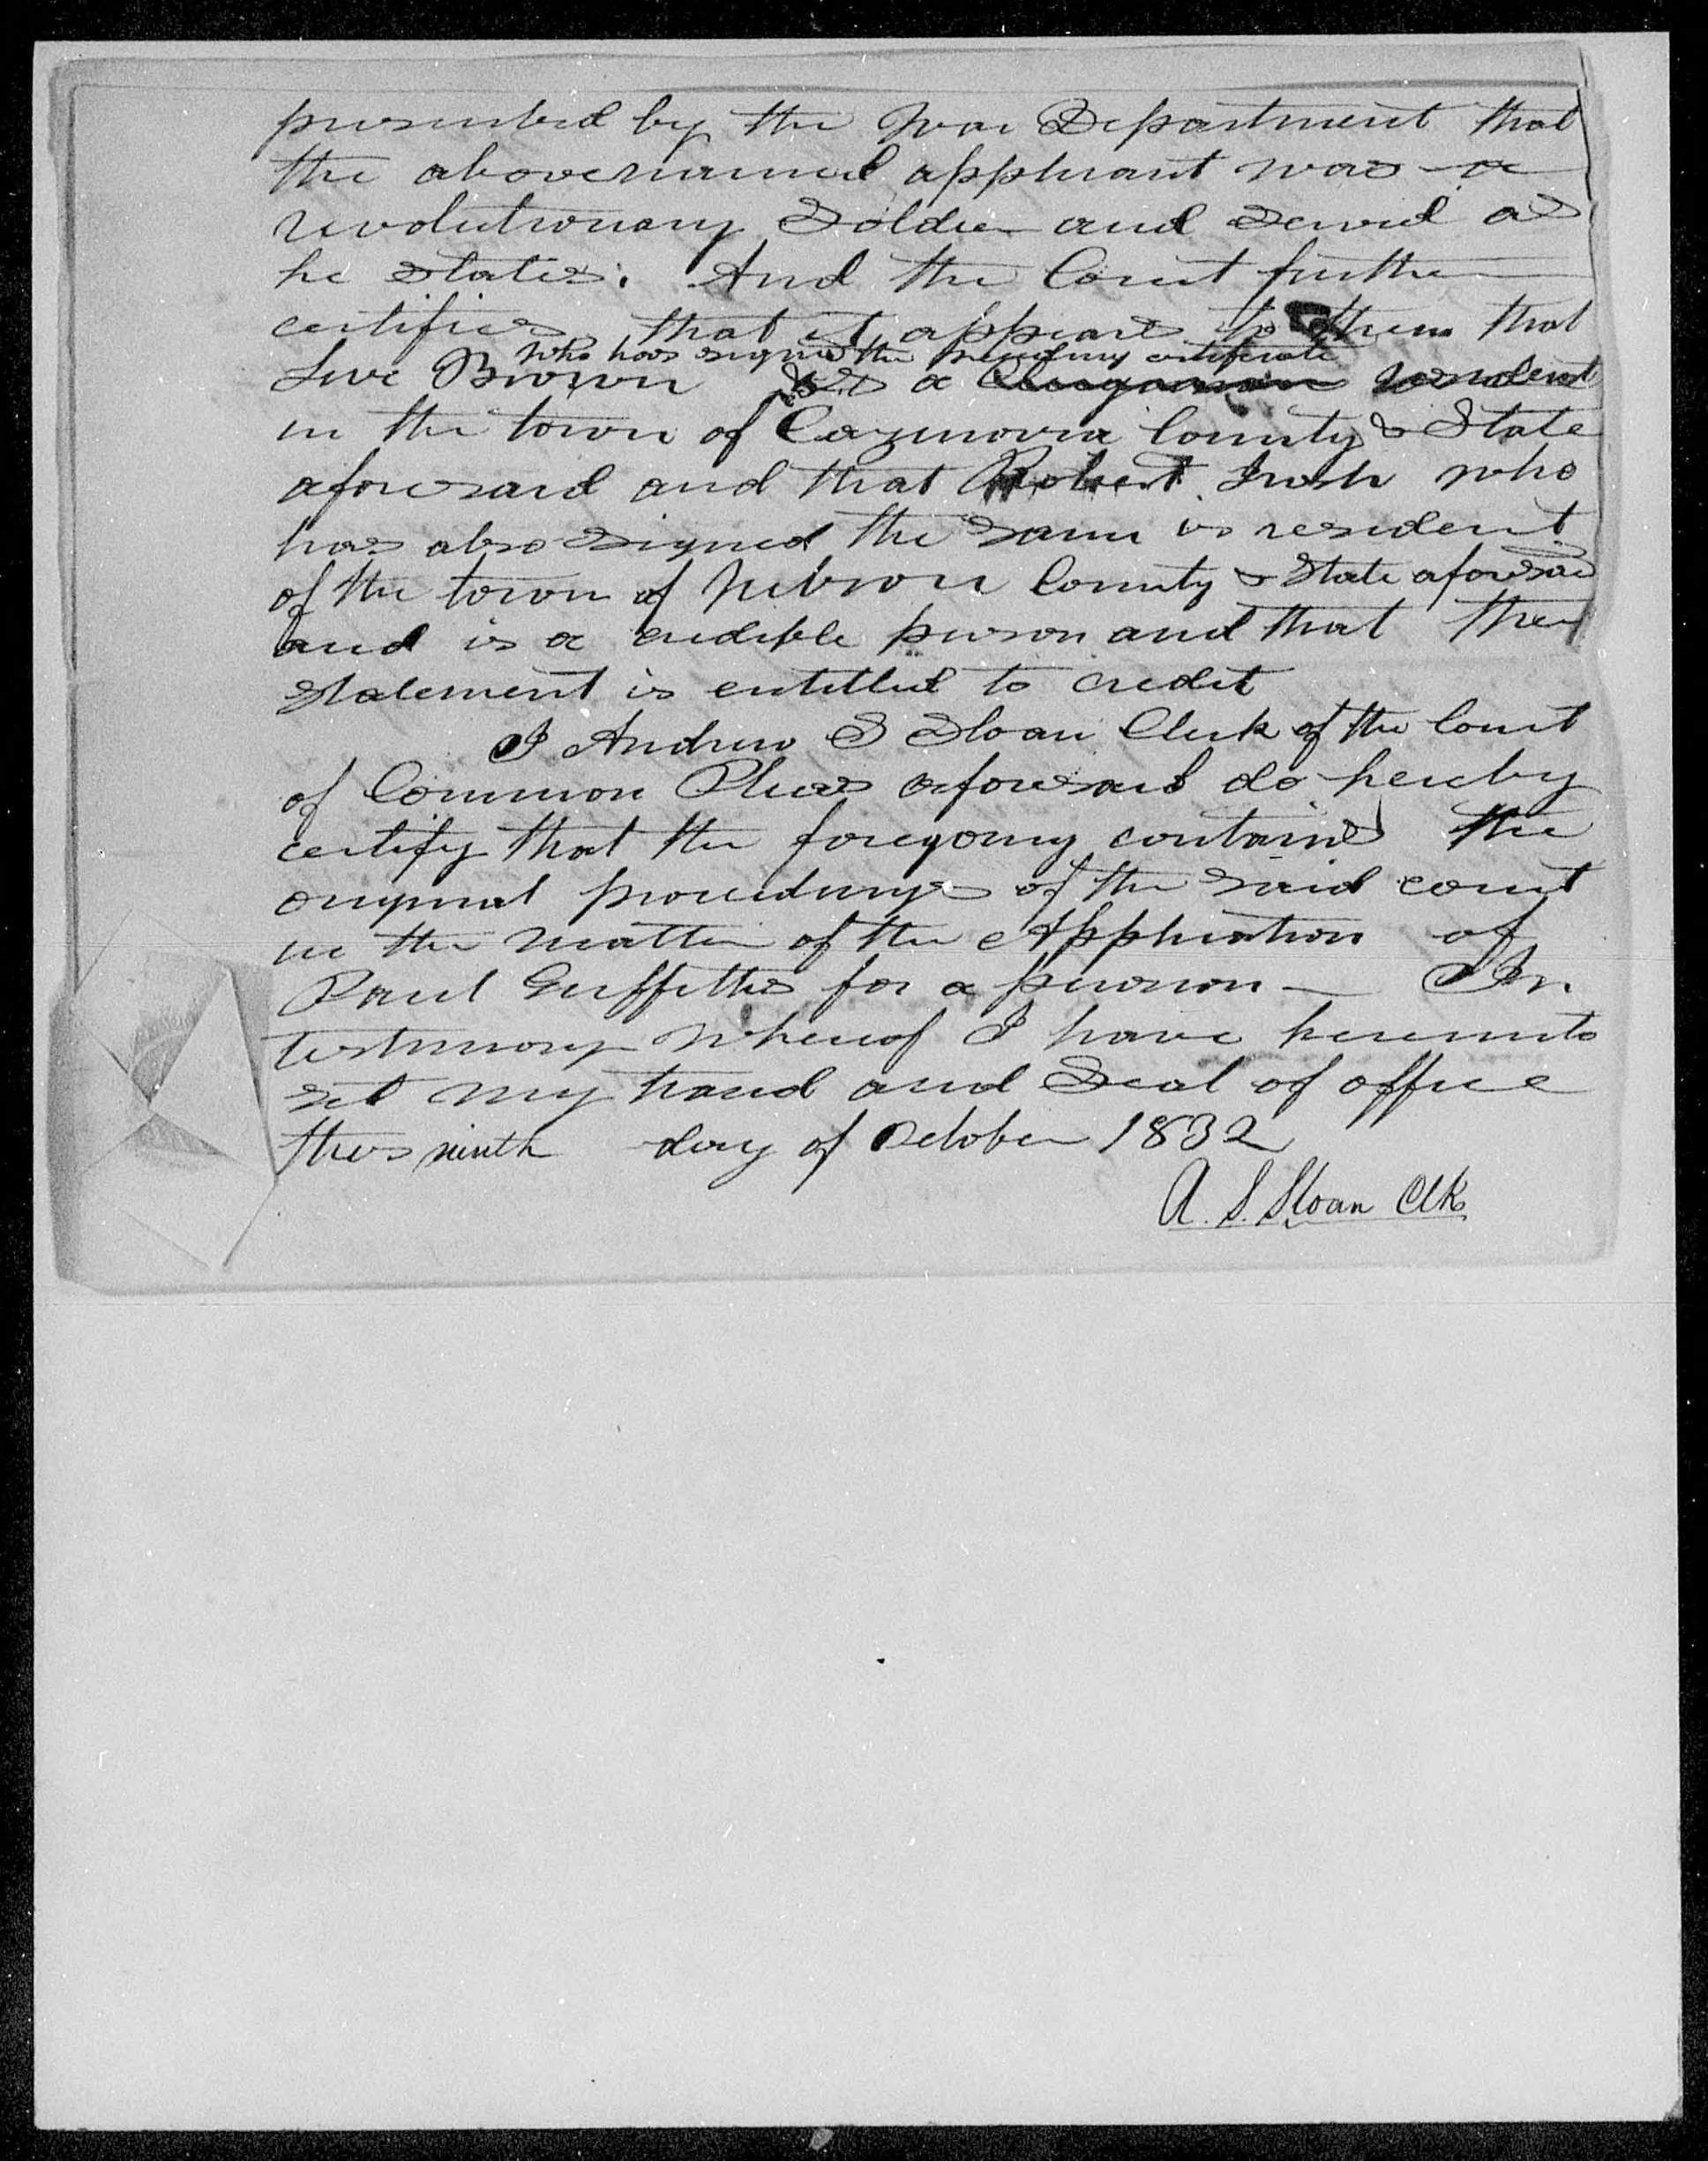prescribed by the War Department that the above named applicant was a revolutionary soldier and served as he states: and the Court further certifies that it appears to them that Levi Brown, who has signed the necessary certificate in the town of Cazenovia, County and State aforesaid and that Robert Irish who has also signed the same is resident of the town of Nelson, County and State aforesaid and is a credible person and that their statement is entitled to credit.

I Andrew S. Sloan, Clerk of the Court of Common Pleas, aforesaid, do hereby certify that the foregoing contained the original proceedings of the said Court in the month of the Application of Paul Griffiths for a pension-

In testimony whereof I have hereunto set my hand and seal of office this ninth day of October 1832.

A.S. Sloan, Clk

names: Andrew S Sloan, Levi Brown, Robert Irish, Paul Griffiths, A S Sloan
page: 8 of 61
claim: survivor's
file: S. 22798, Paul Griffiths, R.I.